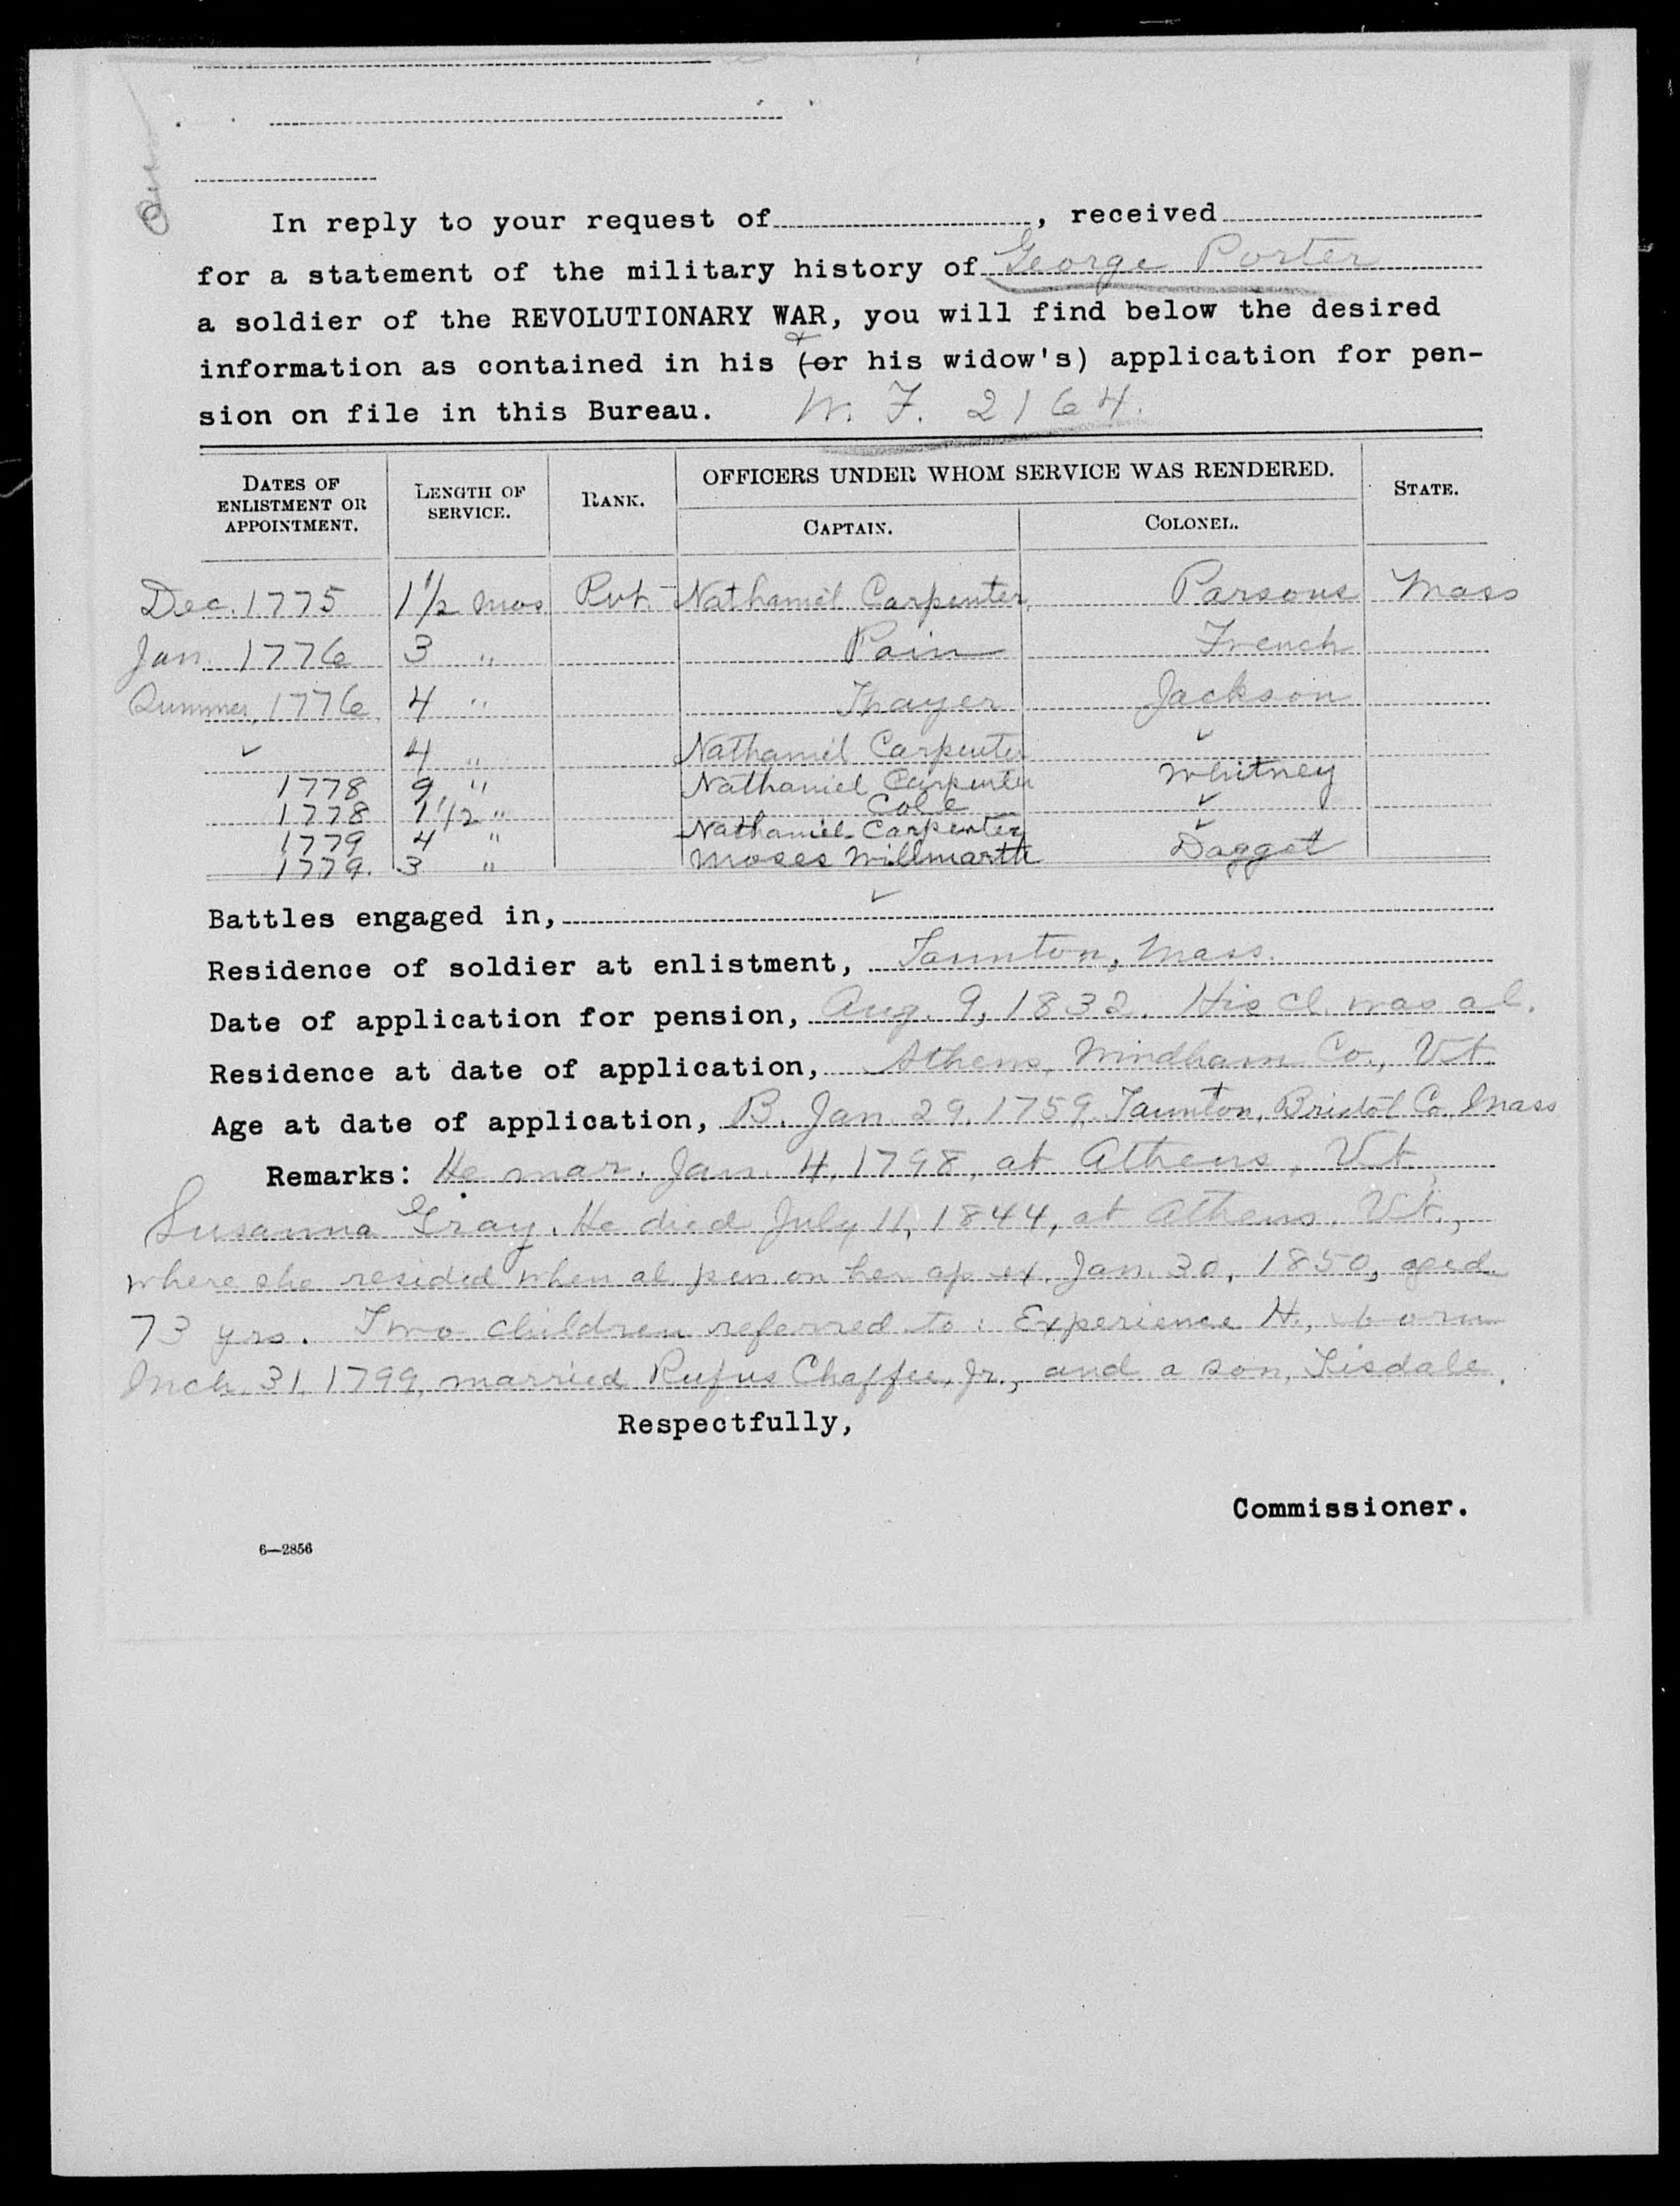In reply to your request of [BLANK], received [BLANK] for a statement of the military history of George Porter a soldier of the REVOLUTIONARY WAR, you will find below the desired information as contained in his ([crossed out: or] his widow's) application for pension on file in this Bureau. W. F. 2164.

DATES OF ENLISTMENT OR APPOINTMENT.  ||  LENGTH OF SERVICE.  ||  RANK.  ||  OFFICERS UNDER WHOM SERVICE WAS RENDERED.  | CAPTAIN.  |  COLONEL.  ||  STATE.
Dec. 1775  || 1 1/2 mos  ||  Pvt.  ||  Nathaniel Carpenter  |  Parsons  ||  Mass
Jan. 1776  ||  3 "  ||  [BLANK]  ||  Pain [Payne]  |  French  ||  [BLANK]
Summer 1776  ||  4 "  ||  [BLANK]  ||  Thayer  |  Jackson  ||  [BLANK]
[checkmark]  ||  4 "  ||  [BLANK]  ||  Nathaniel Carpenter  |  [checkmark]  ||  [BLANK]
1778  ||  9 "  ||  [BLANK]  ||  Nathaniel Carpenter  |  Whitney  ||  [BLANK]
1778  ||  1 1/2 "  ||  [BLANK]  ||  Cole  |  [checkmark]  ||  [BLANK]
1779  ||  4 "  ||  [BLANK]  ||  Nathaniel Carpenter  |  [checkmark]  ||  [BLANK]
1779.  ||  3 "  ||  [BLANK]  ||Moses Willmarth  |  Dagget [Daggett]  ||  [BLANK]

Battles engaged in, [checkmark]
Residence of soldier at enlistment, Taunton, Mass.
Date of application for pension, Aug. 9, 1832. His cl. was al.
Residence at date of application, Athens, Windham Co., Vt.
Age at date of application, B. Jan. 29, 1759, Taunton, Bristol Co. Mass.
Remarks: He mar. Jan. 4, 1798, at Athens, Vt., Susanna Gray. He died July 11, 1844, at Athens, Vt., where she resided when al. pens. on her ap. ex. Jan. 30, 1850, aged 73 yrs. Two children referred to: Experience H., born Mch. 31, 1799, married Rufus Chaffee, Jr., and a son, Tisdale.

Respectfully, Commissioner.
6-2856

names: [BLANK] Thayer; Rufus Chaffee; Nathaniel Carpenter; Experience H [BLANK]; George Porter; [BLANK] Whitney; [BLANK] Cole; [BLANK] Dagget; Tisdale [BLANK]; [BLANK] French; Susanna Gray; [BLANK] Pain; Moses Willmarth; [BLANK] Parsons; [BLANK] Jackson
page: 26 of 49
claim: widow's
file: W. 2164, for George Porter, Massachusetts